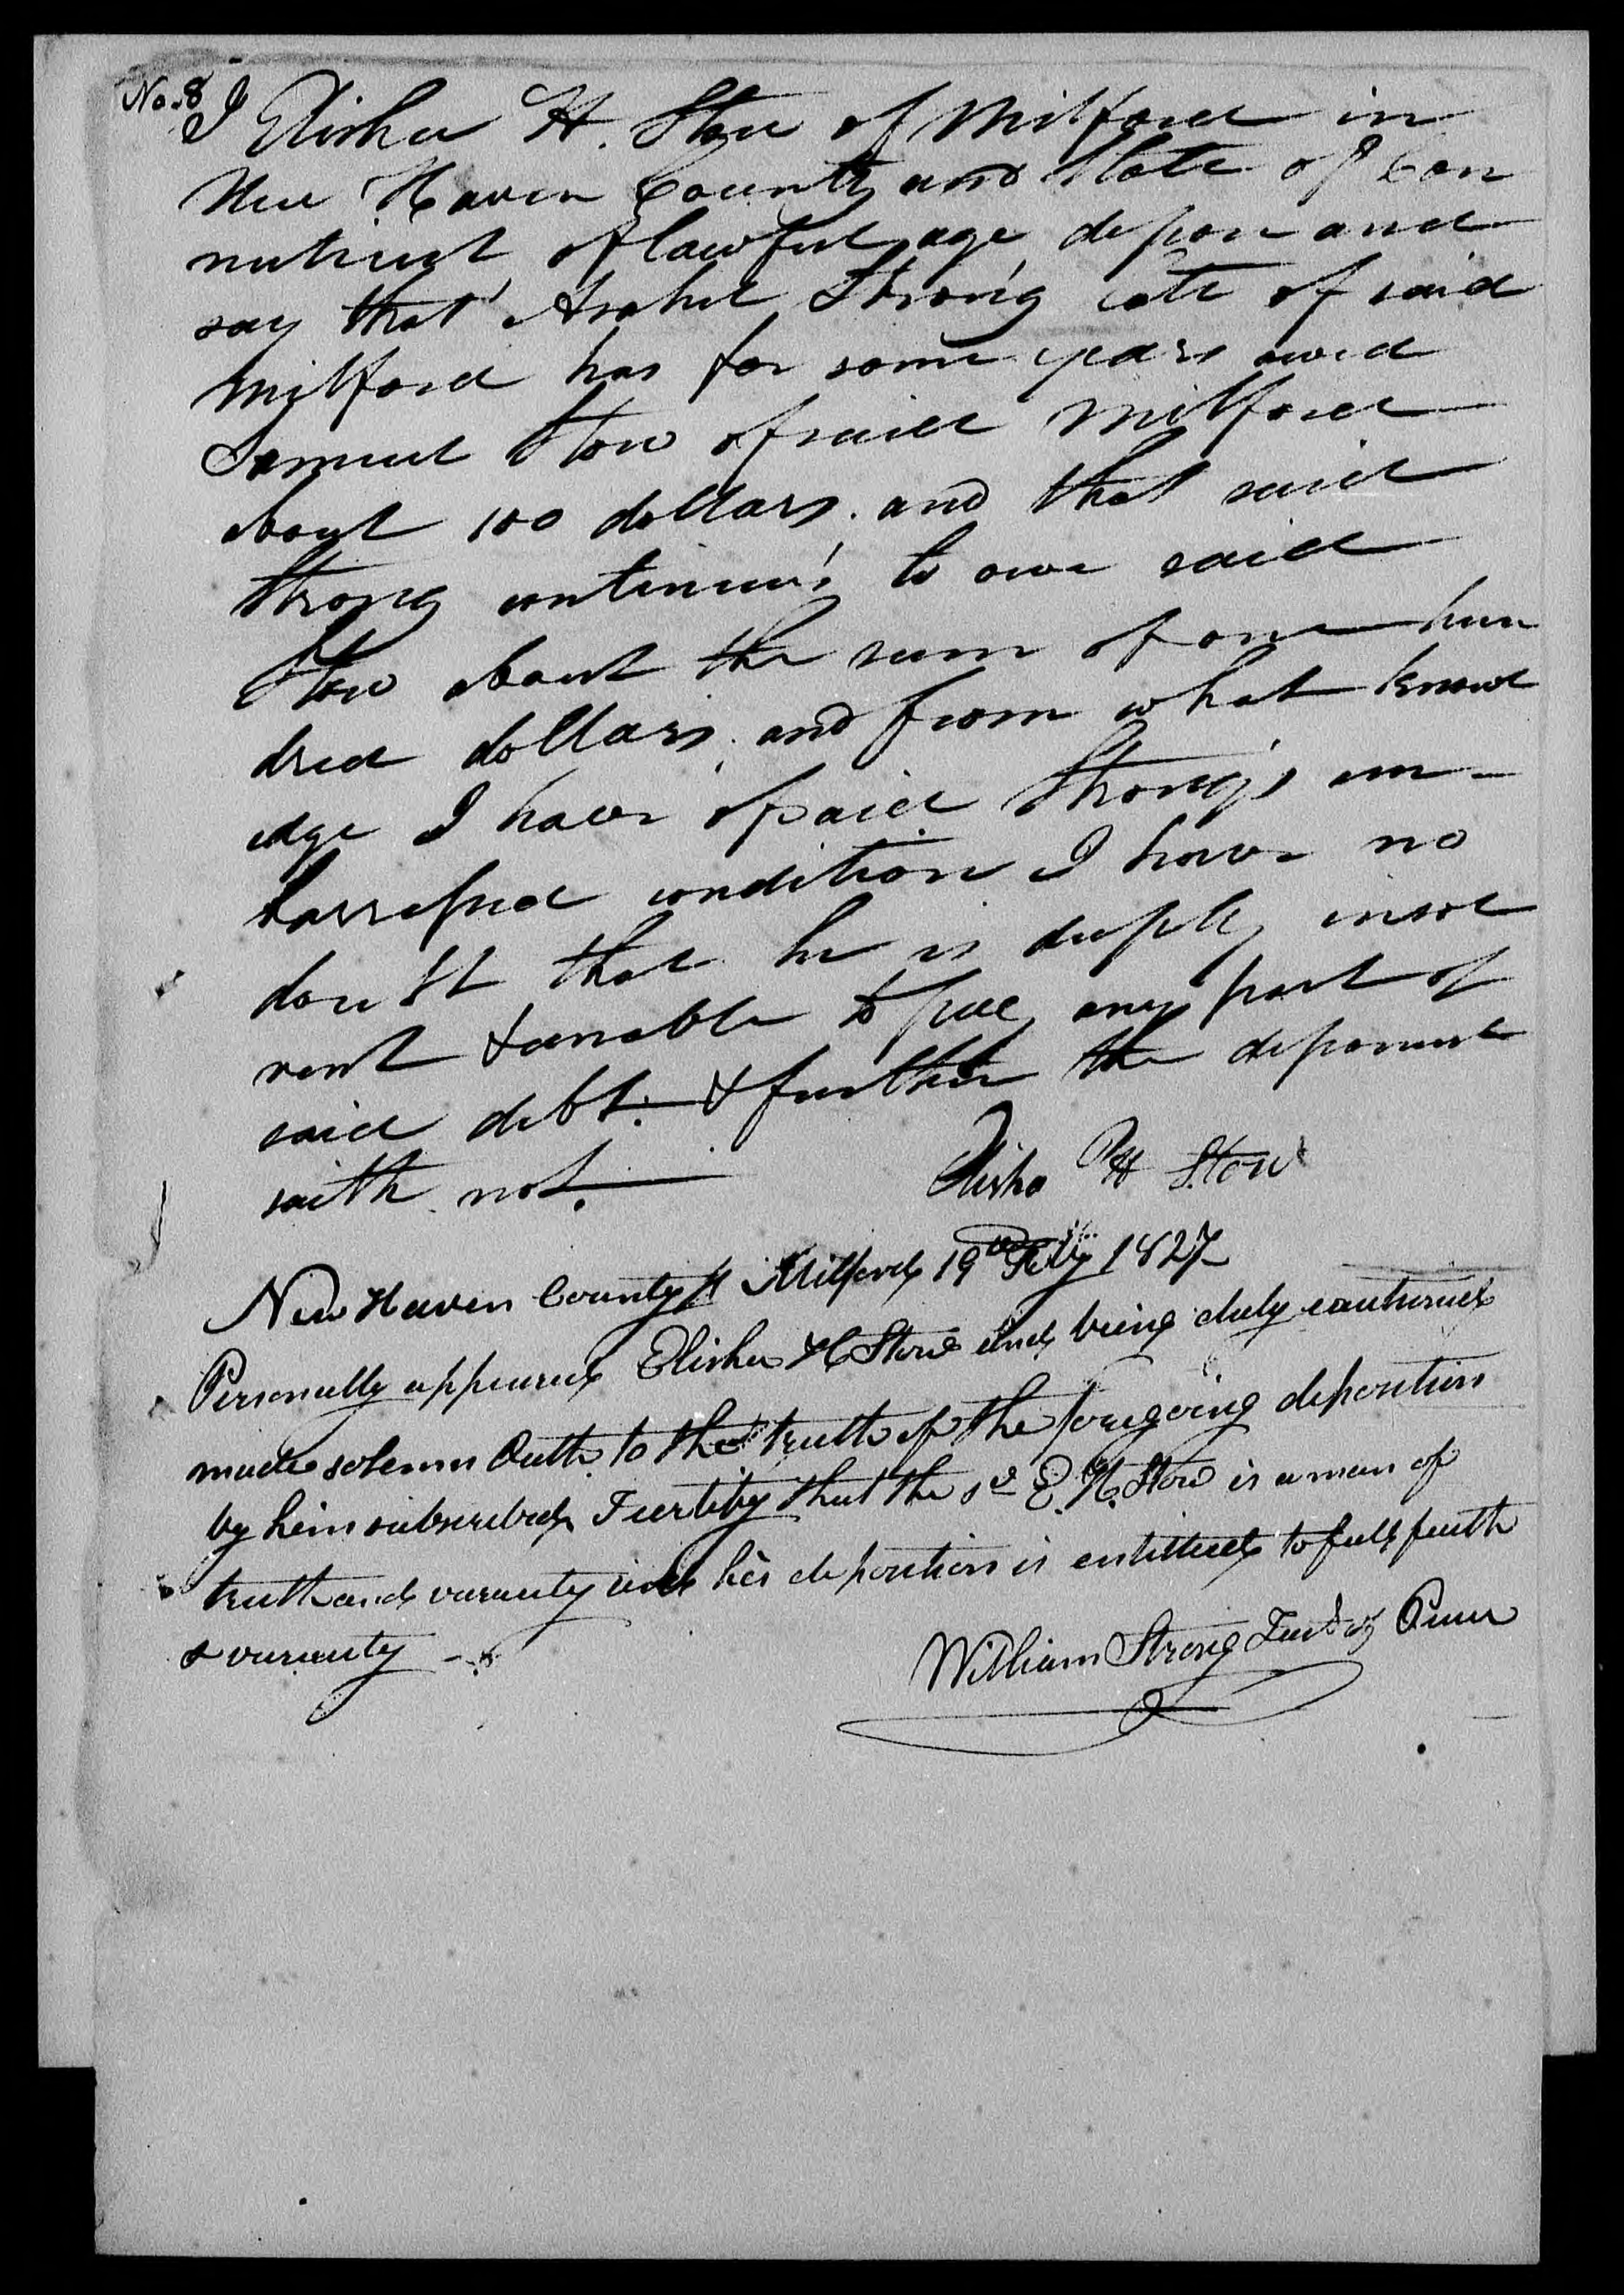No. 8
I, Elisha H. Stow of Milford in New Haven County and State of Connecticut, of lawful age, depose and say that Asahel Strong, late of said
Milford, has for some years owed Samuel Stow of said Milford about 100 dollars; and that said
Strong continues to owe said Stow about the sum of one hundred dollars; and from what knowledge I have of said Strong's embarrassed
condition I have no doubt that he is wholly 
insolvent & unable to pay any part of
said debt & further the deponent saith not.
[signed] Elisha H. Stow

New Haven County} ss: Milford 19th Feby 1827
Personally appeared Elisha H. Stow and being duly cautioned made solemn oath to the truth of the foregoing deposition by him subscribed.  I certify that the said E. H. Stow is a man of
truth and veracity and his deposition is entitled to full faith & veracity.
William Strong Just of Peace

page: 28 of 42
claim: survivor's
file: S. 36,819, for Samuel Stow, Connecticut